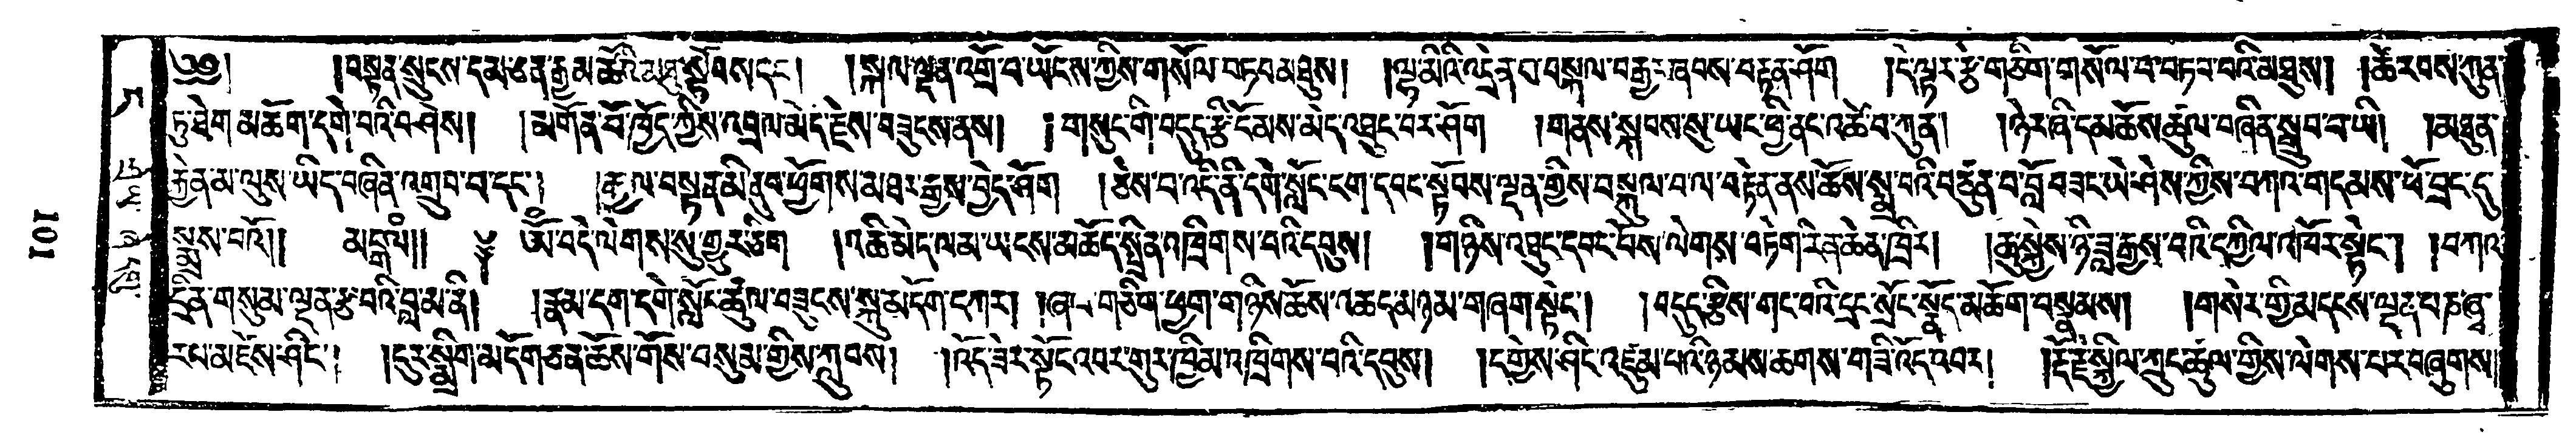༄༅། །བསྟན་སྲུངས་དམ་ཅན་རྒྱ་མཚོའི་མཐུ་སྟོབས་དང་། །སྐལ་ལྡན་འགྲོ་བ་ཡོངས་ཀྱིས་གསོལ་བཏབ་མཐུས། །ལྷ་མིའི་འདྲེན་བ་བསྐལ་བརྒྱར་ཞབས་བརྟན་ཤོག །དེ་ལྟར་རྩེ་གཅིག་གསོལ་བ་བཏབ་བའི་མཐུས། །ཚེ་རབས་ཀུན་
ཏུ་ཐེག་མཆོད་དགེ་བའི་བཤེས། །མགོན་བོ་ཁྱོད་ཀྱིས་འབྲལ་མེད་རྗེས་བཟུངས་ནས། །གསུང་གི་བདུད་རྩི་ངོམས་མེད་འཐུང་བར་ཤོག །གནས་སྐབས་སུ་ཡང་ཕྱི་ནང་འཚེ་བ་ཀུན། །ཉེར་ཞི་དམ་ཆོས་ཚུལ་བཞིན་སྒྲུབ་བ་ཡི། །མཐུན་
རྐྱེན་མ་ལུས་ཡིད་བཞིན་འགྲུབ་བ་དང་། །རྒྱལ་བསྟན་མི་ནུབ་ཕྱོགས་མཐར་རྒྱས་བྱེད་ཤོག །ཅེས་བ་འདི་ནི་དགེ་སློང་ངག་དབང་སྟོབས་ལྡན་གྱིས་བསྐུལ་བ་ལ་བརྟེན་ནས་ཆོས་སྨྲ་བའི་བཙུན་བ་བློ་བཟང་ཡེ་ཤེས་ཀྱིས་བཀའ་གདམས་ཕོ་བྲང་དུ་
སྨྲས་བའོ། །མངྒལཾ།། ༈ ཨོཾ་བདེ་ལེགས་སུ་གྱུར་ཅིག །འཆི་མེད་ལམ་ཡངས་མཆོད་སྤྲིན་འཁྲིགས་བའི་དབུས། །གཉིས་འཐུང་དབང་པོས་ལེགས་བཏེག་རིན་ཆེན་ཁྲིར། །ཆུ་སྐྱེས་ཉི་ཟླ་རྒྱས་བའི་དཀྱིལ་འཁོར་སྟེང་། །བཀའ་
དྲིན་གསུམ་ལྡན་རྩ་བའི་བླ་མ་ནི། །རྣམ་དག་དགེ་སློང་ཚུལ་བཟུངས་སྐུ་མདོག་དཀར། །ཞལ་གཅིག་ཕྱག་གཉིས་ཆོས་འཆད་མཉམ་གཞག་སྟེང་། །བདུད་རྩིས་གང་བའི་དྲང་སྲོང་སྣོད་མཆོག་བསྣམས། །གསེར་གྱི་མདངས་ལྡན་པཎ་ཞྭ་
རབ་མཛེས་ཤིང་། །དུར་སྨྲིག་མདོག་ཅན་ཆོས་གོས་བསུམ་གྱིས་ཀླུབས། །འོད་ཟེར་སྟོང་འབར་གུར་ཁྱིམ་འཁྲིགས་བའི་དབུས། །དགྱེས་ཤིང་འཛུམ་པའི་ཉམས་ཆགས་གཟི་འོད་འབར། །རྡོ་རྗེ་སྐྱིལ་ཀྲུང་ཚུལ་གྱིས་ལེགས་པར་བཞུགས།